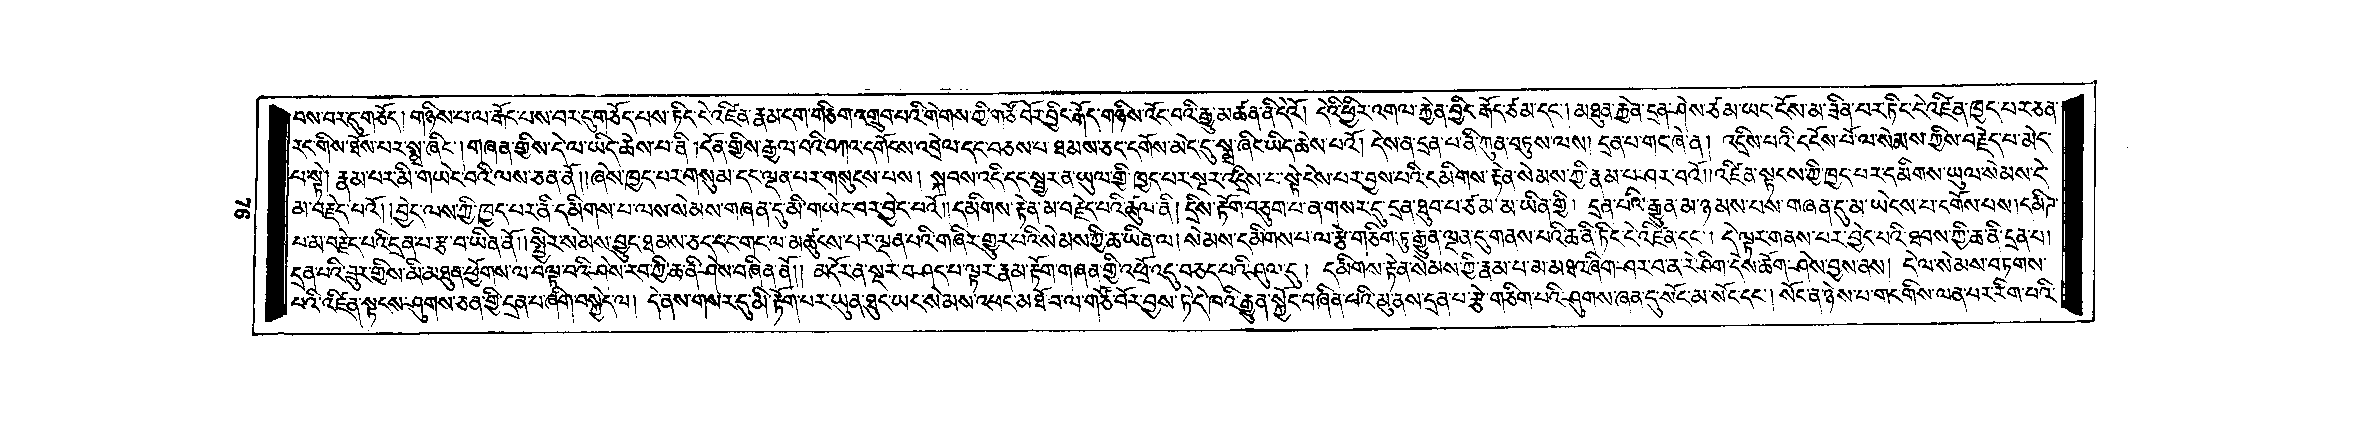བས་བར་དུ་གཅོད། གཉིས་པ་ལ་རྒོད་པས་བར་དུ་གཅོད་པས་ཏིང་ངེ་འཛིན་རྣམ་དག་གཅིག་འགྲུབ་པའི་གེགས་ཀྱི་གཙོ་བོར་བྱིང་རྒོད་གཉིས་འོང་བའི་རྒྱུ་མཚན་ནི་དེའོ། དེའི་ཕྱིར་འགལ་རྐྱེན་བྱིང་རྒོད་ཙམ་དང་། མཐུན་རྐྱེན་དྲན་ཤེས་ཙམ་ཡང་ངོས་མ་ཟིན་པར་ཏིང་ངེ་འཛིན་ཁྱད་པར་ཅན་
རང་གིས་ཐོས་པར་སྨྲ་ཞིང་། གཞན་གྱིས་དེ་ལ་ཡིད་ཆེས་པ་ནི། དོན་གྱིས་རྒྱལ་བའི་བཀའ་དགོངས་འབྲེལ་དང་བཅས་པ་ཐམས་ཅད་དགོས་མེད་དུ་སྨྲ་ཞིང་ཡིད་ཆེས་པའོ། དེས་ན་དྲན་པ་ནི་ཀུན་བཏུས་ལས། དྲན་པ་གང་ཞེ་ན། འདྲིས་པའི་དངོས་པོ་ལ་སེམས་ཀྱིས་བརྗེད་པ་མེད་
པ་སྟེ། རྣམ་པར་མི་གཡེང་བའི་ལས་ཅན་ནོ། །ཞེས་ཁྱད་པར་གསུམ་དང་ལྡན་པར་གསུངས་པས། སྐབས་འདི་དང་སྦྱར་ན་ཡུལ་གྱི་ཁྱད་པར་སྔར་འདྲིས་པ་སྟེ་ངེས་པར་བྱས་པའི་དམིགས་རྟེན་སེམས་ཀྱི་རྣམ་པ་ཤར་བའོ། །འཛིན་སྟངས་ཀྱི་ཁྱད་པར་དམིགས་ཡུལ་སེམས་དེ་
མ་བརྗེད་པའོ། །བྱེད་ལས་ཀྱི་ཁྱད་པར་ནི་དམིགས་པ་ལས་སེམས་གཞན་དུ་མི་གཡེང་བར་བྱེད་པའོ། །དམིགས་རྟེན་མ་བརྗེད་པའི་ཚུལ་ནི། དྲིས་རྟོག་བཅུག་པ་ན་གསར་དུ་དྲན་ཐུབ་པ་ཙམ་མ་ཡིན་གྱི། དྲན་པའི་རྒྱུན་མ་ཉམས་པས་གཞན་དུ་མ་ཡེངས་པ་དགོས་པས། དམིགས་
པ་མ་བརྗེད་པའི་དྲན་པ་རྩ་བ་ཡིན་ནོ། །སྤྱིར་སེམས་བྱུང་ཐམས་ཅད་དང་གང་ལ་མཚུངས་པར་ལྡན་པའི་གཞིར་གྱུར་པའི་སེམས་ཀྱི་ཆ་ཡིན་ལ། སེམས་དམིགས་པ་ལ་རྩེ་གཅིག་ཏུ་རྒྱུན་ལྡན་དུ་གནས་པའི་ཆ་ནི་ཏིང་ངེ་འཛིན་དང་། དེ་ལྟར་གནས་པར་བྱེད་པའི་ཐབས་ཀྱི་ཆ་ནི་དྲན་པ།
དྲན་པའི་ཟུར་གྱིས་མི་མཐུན་ཕྱོགས་ལ་བལྟ་བའི་ཤེས་རབ་ཀྱི་ཆ་ནི་ཤེས་བཞིན་ནོ། །མདོར་ན་སྔར་བཤད་པ་ལྟར་རྣམ་རྟོག་གཞན་གྱི་འཕྲོ་འདུ་བཅད་པའི་ཤུལ་དུ། དམིགས་རྟེན་སེམས་ཀྱི་རྣམ་པ་མ་མཐའ་ཞིག་ཤར་བ་ན་རེ་ཤིག་དེས་ཆོག་ཤེས་བྱས་ནས། དེ་ལ་སེམས་བཏགས་
པའི་འཛིན་སྟངས་ཤུགས་ཅན་གྱི་དྲན་པ་ཞིག་བསྐྱེད་ལ། དེ་ནས་གསར་དུ་མི་རྟོག་པར་ཡུན་ཐུང་ཡང་སེམས་འཕང་མཐོ་བ་ལ་གཙོ་བོར་བྱས་ཏེ་དེ་ཁའི་རྒྱུན་སྐྱོང་བཞིན་པའི་མུ་ནས་དྲན་པ་རྩེ་གཅིག་པའི་ཤུགས་ཞན་དུ་སོང་མ་སོང་དང་། སོང་ན་ཉེས་པ་གང་གིས་ལན་པར་རིག་པའི་